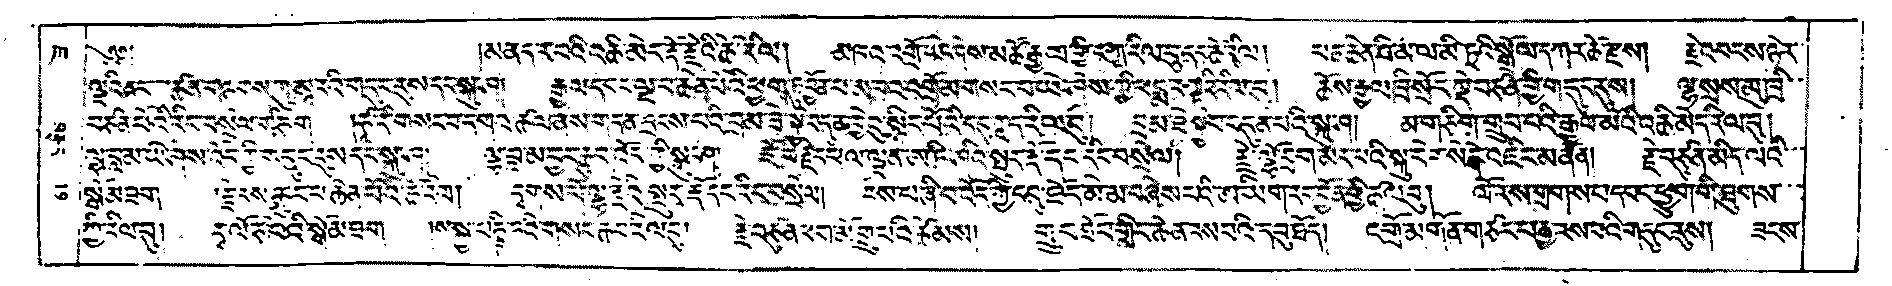༄༅། །མན་ད་ར་བའི་འཆི་མེད་རྡོ་རྗེའི་ཚེ་རིལ། མཁའ་འགྲོ་ཡེ་ཤེས་མཚོ་རྒྱལ་གྱི་རཀླ་རིལ་བུ་དང་ཚེ་རིལ། པཎ་ཆེན་བི་མ་ལ་མི་ཏྲའི་སྒྲོལ་དཀར་ཚེ་རྫས། རྗེ་འབངས་ཉེར་ལྔའི་ནང་
ཚན་གཉགས་ཀུ་མཱ་རའི་གདུང་རུས་དང་སྐུ་ཤ། རྒྱལ་དབང་ལྔ་པ་ཆེན་པོའི་ཕྱག་ཏུ་བྱོན་པ་མཁའ་འགྲོ་མ་གསང་བ་ཡེ་ཤེས་ཀྱི་པདམ་རཀྟའི་རིལ་བུ། ཆོས་རྒྱལ་ཁྲི་སྲོང་ལྡེ་བཙན་གྱི་གདུང་རུས། ལྷ་སྲས་མུ་ཁྲི་
བཙན་པོའི་རིང་བསྲེལ་གཅིག །ཙཱ་རི་གསང་བ་དགའ་ཚལ་ནས་གདན་དྲངས་པའི་བྲམ་ཟེ་སྐྱེ་བདུན་ཁྱེའུ་སྙིང་པོའི་དབུ་ཀླད་རིལ་བུ། བྲམ་ཟེ་སྐྱེ་བ་བདུན་པའི་སྐུ་ཤ། མ་གཅིག་གྲུབ་པའི་རྒྱལ་མོའི་འཆི་མེད་རིལ་བུ།
ལྷ་བླ་མ་ཡེ་ཤེས་འོད་ཀྱི་གདུང་རུས་དང་སྐུ་ཤ། ལྷ་བླ་མ་བྱང་ཆུབ་འོད་ཀྱི་སྐུ་ཤ། ཇོ་བོ་རྗེ་དཔལ་ལྡན་ཨ་ཏི་ཤའི་སྤུར་རྡོ་དང་རིང་བསྲེལ། རྗེ་ལྷོ་བྲག་མར་པའི་སྐུ་བེར་སེངྒེ་འཇིང་མནོན། རྗེ་བཙུན་མིད་ལའི་
སྒོམ་ཐག །རྗེ་རས་ཆུང་པ་ཆེན་པོའི་ཚེ་རིལ། དྭགས་པོ་ལྷ་རྗེའི་སྤུར་རྡོ་དང་རིང་བསྲེལ། རས་པ་ཞི་བ་འོད་ཀྱི་དབུ་ཐོད་མེ་མ་བཞེས་པའི་ཨ་ཡིག་རང་བྱོན་གྱི་ཚལ་བུ། ལོ་རས་གྲགས་པ་དབང་ཕྱུག་གི་ཐུགས་
ཀྱི་རིལ་བུ། རྭ་ལོ་ཙ་བའི་སྒོམ་ཐག །ས་སྐྱ་པཎྜི་ཏའི་གསང་ཆབ་རིལ་བུ། རྗེ་བཙུན་ཕག་མོ་གྲུ་པའི་ཚེམས། གྲུབ་ཐོབ་གླིང་ཆེན་རས་པའི་དབུ་ཐོད། འགྲོ་མགོན་གཙང་པ་རྒྱ་རས་པའི་གདུང་རུས། ཟངས་